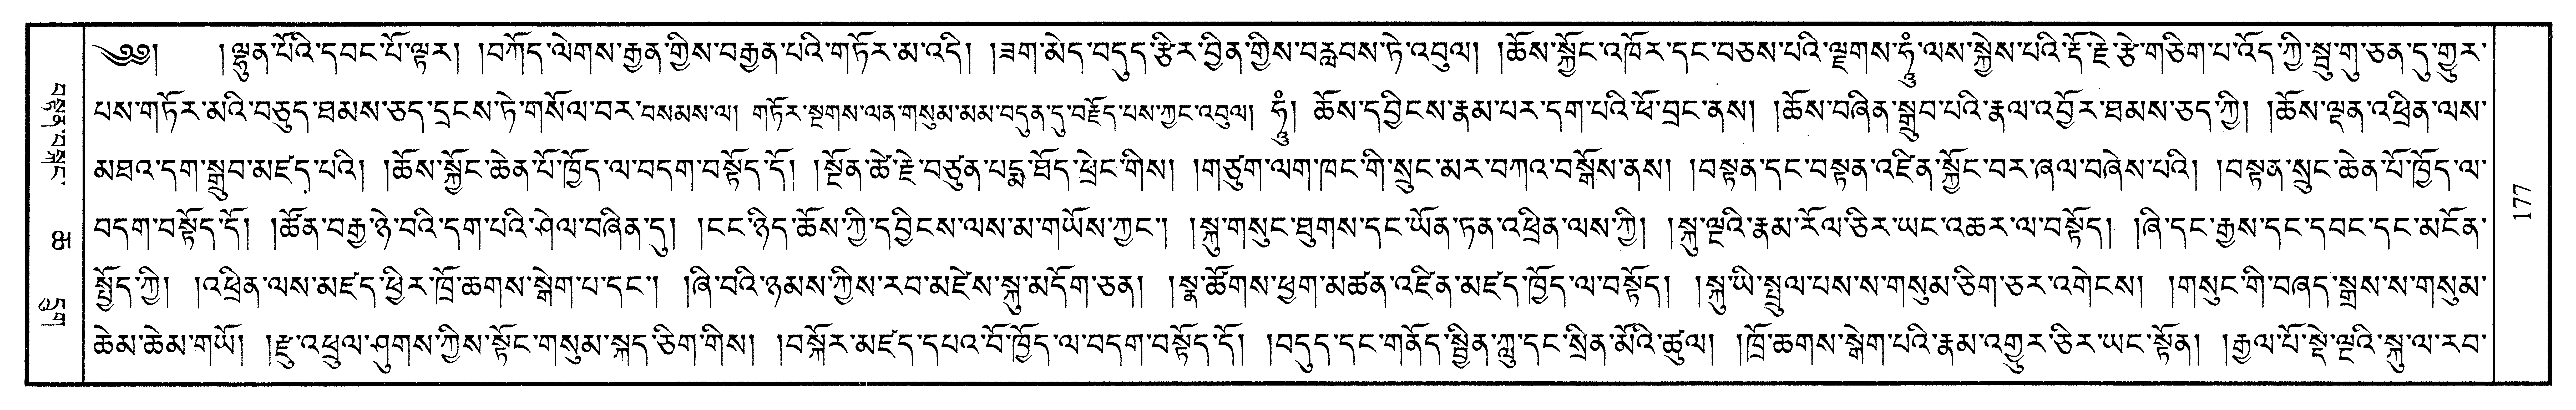༄༅། །ལྷུན་པོའི་དབང་པོ་ལྟར། །བཀོད་ལེགས་རྒྱན་གྱིས་བརྒྱན་པའི་གཏོར་མ་འདི། །ཟག་མེད་བདུད་རྩིར་བྱིན་གྱིས་བརླབས་ཏེ་འབུལ། །ཆོས་སྐྱོང་འཁོར་དང་བཅས་པའི་ལྗགས་ཧཱུཾ་ལས་སྐྱེས་པའི་རྡོ་རྗེ་རྩེ་གཅིག་པ་འོད་ཀྱི་སྦུ་གུ་ཅན་དུ་གྱུར་
པས་གཏོར་མའི་བཅུད་ཐམས་ཅད་དྲངས་ཏེ་གསོལ་བར་བསམས་ལ། གཏོར་སྔགས་ལན་གསུམ་མམ་བདུན་དུ་བརྗོད་པས་ཀྱང་འབུལ། ཧཱུཾ། ཆོས་དབྱིངས་རྣམ་པར་དག་པའི་ཕོ་བྲང་ནས། །ཆོས་བཞིན་སྒྲུབ་པའི་རྣལ་འབྱོར་ཐམས་ཅད་ཀྱི། །ཆོས་ལྡན་འཕྲིན་ལས་
མཐའ་དག་སྒྲུབ་མཛད་པའི། །ཆོས་སྐྱོང་ཆེན་པོ་ཁྱོད་ལ་བདག་བསྟོད་དོ། །སྔོན་ཚེ་རྗེ་བཙུན་པདམ་ཐོད་ཕྲེང་གིས། །གཙུག་ལག་ཁང་གི་སྲུང་མར་བཀའ་བསྒོས་ནས། །བསྟན་དང་བསྟན་འཛིན་སྐྱོང་བར་ཞལ་བཞེས་པའི། །བསྟན་སྲུང་ཆེན་པོ་ཁྱོད་ལ་
བདག་བསྟོད་དོ། །ཚོན་བརྒྱ་ཉེ་བའི་དག་པའི་ཤེལ་བཞིན་དུ། །ངང་ཉིད་ཆོས་ཀྱི་དབྱིངས་ལས་མ་གཡོས་ཀྱང་། །སྐུ་གསུང་ཐུགས་དང་ཡོན་ཏན་འཕྲིན་ལས་ཀྱི། །སྐུ་ལྔའི་རྣམ་རོལ་ཅིར་ཡང་འཆར་ལ་བསྟོད། །ཞི་དང་རྒྱས་དང་དབང་དང་མངོན་
སྤྱོད་ཀྱི། །འཕྲིན་ལས་མཛད་ཕྱིར་ཁྲོ་ཆགས་སྒེག་པ་དང་། །ཞི་བའི་ཉམས་ཀྱིས་རབ་མཛེས་སྐུ་མདོག་ཅན། །སྣ་ཚོགས་ཕྱག་མཚན་འཛིན་མཛད་ཁྱོད་ལ་བསྟོད། །སྐུ་ཡི་སྤྲུལ་པས་ས་གསུམ་ཅིག་ཅར་འགེངས། །གསུང་གི་བཞད་སྒྲས་ས་གསུམ་
ཆེམ་ཆེམ་གཡོ། །རྫུ་འཕྲུལ་ཤུགས་ཀྱིས་སྟོང་གསུམ་སྐད་ཅིག་གིས། །བསྐོར་མཛད་དཔའ་བོ་ཁྱོད་ལ་བདག་བསྟོད་དོ། །བདུད་དང་གནོད་སྦྱིན་ཀླུ་དང་སྲིན་མོའི་ཚུལ། །ཁྲོ་ཆགས་སྒེག་པའི་རྣམ་འགྱུར་ཅིར་ཡང་སྟོན། །རྒྱལ་པོ་སྡེ་ལྔའི་སྐུ་ལ་རབ་